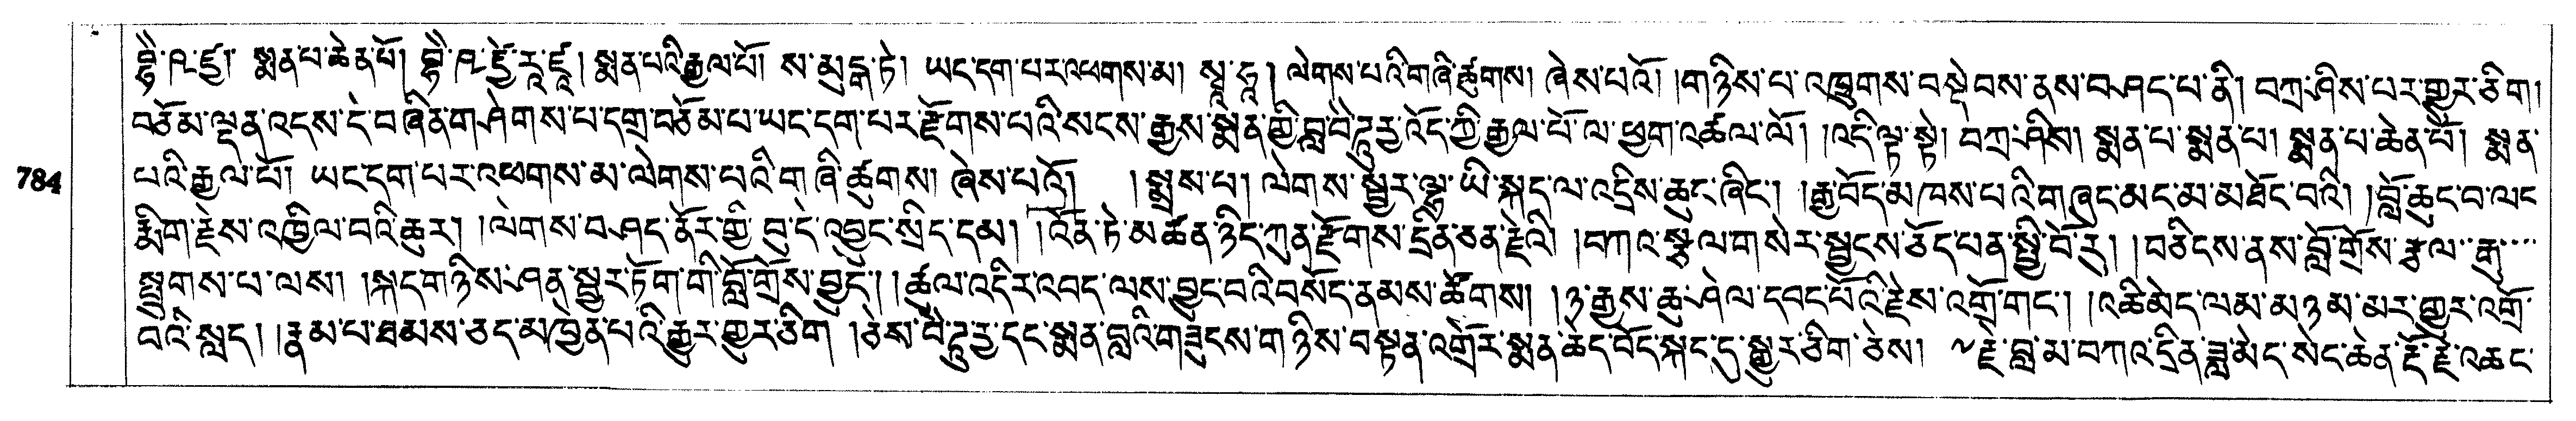བྷཻ་ཥ་ཛྱ། སྨན་པ་ཆེན་པོ། བྷཻ་ཥ་ཛྱེ་རཱ་ཛཱ། སྨན་པའི་རྒྱལ་པོ། ས་མུངྒ་ཏེ། ཡང་དག་པར་འཕགས་མ། སྭཱཧཱ། ལེགས་པའི་གཞི་ཚུགས། ཞེས་པའོ། །གཉིས་པ་འཁྲུགས་བསྡེབས་ནས་བཤད་པ་ནི། བཀྲ་ཤིས་པར་གྱུར་ཅིག །
བཅོམ་ལྡན་འདས་དེ་བཞིན་གཤེགས་པ་དགྲ་བཅོམ་པ་ཡང་དག་པར་རྫོགས་པའི་སངས་རྒྱས་སྨན་གྱི་བླ་བཻ་ཌཱུརྱ་འོད་ཀྱི་རྒྱལ་པོ་ལ་ཕྱག་འཚལ་ལོ། །འདི་ལྟ་སྟེ། བཀྲ་ཤིས། སྨན་པ་སྨན་པ། སྨན་པ་ཆེན་པོ། སྨན་
པའི་རྒྱལ་པོ། ཡང་དག་པར་འཕགས་མ་ལེགས་པའི་གཞི་ཚུགས། ཞེས་པའོ། །སྨྲས་པ། ལེགས་སྦྱར་ལྷ་ཡི་སྐད་ལ་འདྲིས་ཆུང་ཞིང་། །རྒྱ་བོད་མཁས་པའི་གཞུང་མང་མ་མཐོང་བའི། །བློ་ཆུང་བ་ལང་
རྨིག་རྗེས་འཁྱིལ་བའི་ཆུར། །ལེགས་བཤད་ནོར་གྱི་བུ་དེ་འབྱུང་སྲིད་དམ། །འོན་ཏེ་མཚན་ཉིད་ཀུན་རྫོགས་དྲིན་ཅན་རྗེའི། །བཀའ་སྩལ་གསེར་སྦྱངས་ཅོད་པན་སྤྱི་བོ་རུ། །བཅིངས་ནས་བློ་གྲོས་རྩལ་རྒུ་
སྤྲུགས་པ་ལས། །སྐད་གཉིས་ཤན་སྦྱར་ཏོག་གི་བློ་གྲོས་བྱུང་། །ཚུལ་འདིར་འབད་ལས་བྱུང་བའི་བསོད་ནམས་ཚོགས། །ཉ་རྒྱས་ཆུ་ཤེལ་དབང་པོའི་རྗེས་འགྲོ་གང་། །འཆི་མེད་ལམ་མཉམ་མར་གྱུར་འགྲོ་
བའི་སླད། །རྣམ་པ་ཐམས་ཅད་མཁྱེན་པའི་རྒྱུར་གྱུར་ཅིག །ཅེས་བཻ་ཌཱུ་རྱ་དང་སྨན་བླའི་གཟུངས་གཉིས་བསྟན་འགྲོར་སྨན་ཆེད་བོད་སྐད་དུ་སྒྱུར་ཅིག་ཅེས། རྗེ་བླ་མ་བཀའ་དྲིན་ཟླ་མེད་སེང་ཆེན་རྡོ་རྗེ་འཆང་